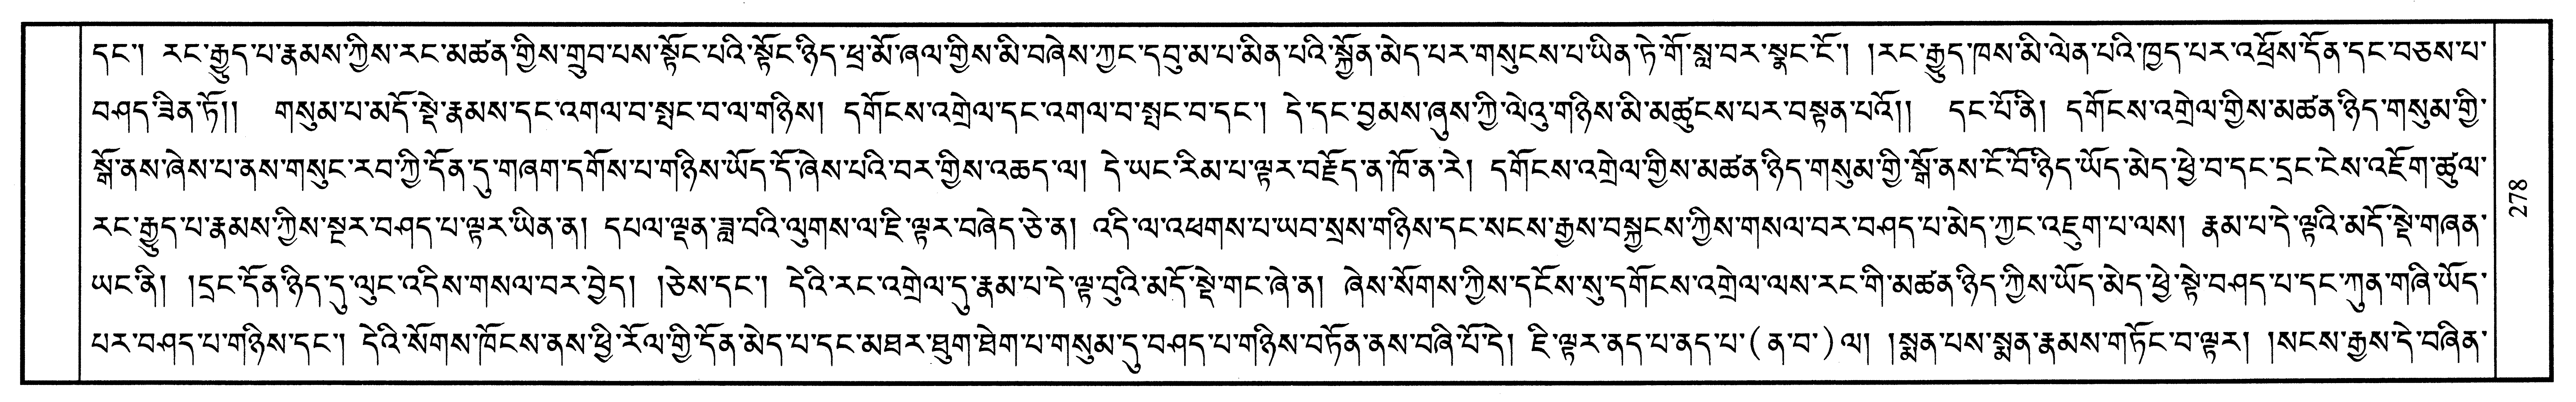དང་། རང་རྒྱུད་པ་རྣམས་ཀྱིས་རང་མཚན་གྱིས་གྲུབ་པས་སྟོང་པའི་སྟོང་ཉིད་ཕྲ་མོ་ཞལ་གྱིས་མི་བཞེས་ཀྱང་དབུ་མ་པ་མིན་པའི་སྐྱོན་མེད་པར་གསུངས་པ་ཡིན་ཏེ་གོ་སླ་བར་སྣང་ངོ། །རང་རྒྱུད་ཁས་མི་ལེན་པའི་ཁྱད་པར་འཕྲོས་དོན་དང་བཅས་པ་
བཤད་ཟིན་ཏོ།། གསུམ་པ་མདོ་སྡེ་རྣམས་དང་འགལ་བ་སྤང་བ་ལ་གཉིས། དགོངས་འགྲེལ་དང་འགལ་བ་སྤང་བ་དང་། དེ་དང་བྱམས་ཞུས་ཀྱི་ལེའུ་གཉིས་མི་མཚུངས་པར་བསྟན་པའོ།། དང་པོ་ནི། དགོངས་འགྲེལ་གྱིས་མཚན་ཉིད་གསུམ་གྱི་
སྒོ་ནས་ཞེས་པ་ནས་གསུང་རབ་ཀྱི་དོན་དུ་གཞག་དགོས་པ་གཉིས་ཡོད་དོ་ཞེས་པའི་བར་གྱིས་འཆད་ལ། དེ་ཡང་རིམ་པ་ལྟར་བརྗོད་ན་ཁོ་ན་རེ། དགོངས་འགྲེལ་གྱིས་མཚན་ཉིད་གསུམ་གྱི་སྒོ་ནས་ངོ་བོ་ཉིད་ཡོད་མེད་ཕྱེ་བ་དང་དྲང་ངེས་འཇོག་ཚུལ་
རང་རྒྱུད་པ་རྣམས་ཀྱིས་སྔར་བཤད་པ་ལྟར་ཡིན་ན། དཔལ་ལྡན་ཟླ་བའི་ལུགས་ལ་ཇི་ལྟར་བཞེད་ཅེ་ན། འདི་ལ་འཕགས་པ་ཡབ་སྲས་གཉིས་དང་སངས་རྒྱས་བསྐྱངས་ཀྱིས་གསལ་བར་བཤད་པ་མེད་ཀྱང་འཇུག་པ་ལས། རྣམ་པ་དེ་ལྟའི་མདོ་སྡེ་གཞན་
ཡང་ནི། །དྲང་དོན་ཉིད་དུ་ལུང་འདིས་གསལ་བར་བྱེད། །ཅེས་དང་། དེའི་རང་འགྲེལ་དུ་རྣམ་པ་དེ་ལྟ་བུའི་མདོ་སྡེ་གང་ཞེ་ན། ཞེས་སོགས་ཀྱིས་དངོས་སུ་དགོངས་འགྲེལ་ལས་རང་གི་མཚན་ཉིད་ཀྱིས་ཡོད་མེད་ཕྱེ་སྟེ་བཤད་པ་དང་ཀུན་གཞི་ཡོད་
པར་བཤད་པ་གཉིས་དང་། དེའི་སོགས་ཁོངས་ནས་ཕྱི་རོལ་གྱི་དོན་མེད་པ་དང་མཐར་ཐུག་ཐེག་པ་གསུམ་དུ་བཤད་པ་གཉིས་བཏོན་ནས་བཞི་པོ་དེ། ཇི་ལྟར་ནད་པ་ནད་པ་ན་བ་ལ། །སྨན་པས་སྨན་རྣམས་གཏོང་བ་ལྟར། །སངས་རྒྱས་དེ་བཞིན་